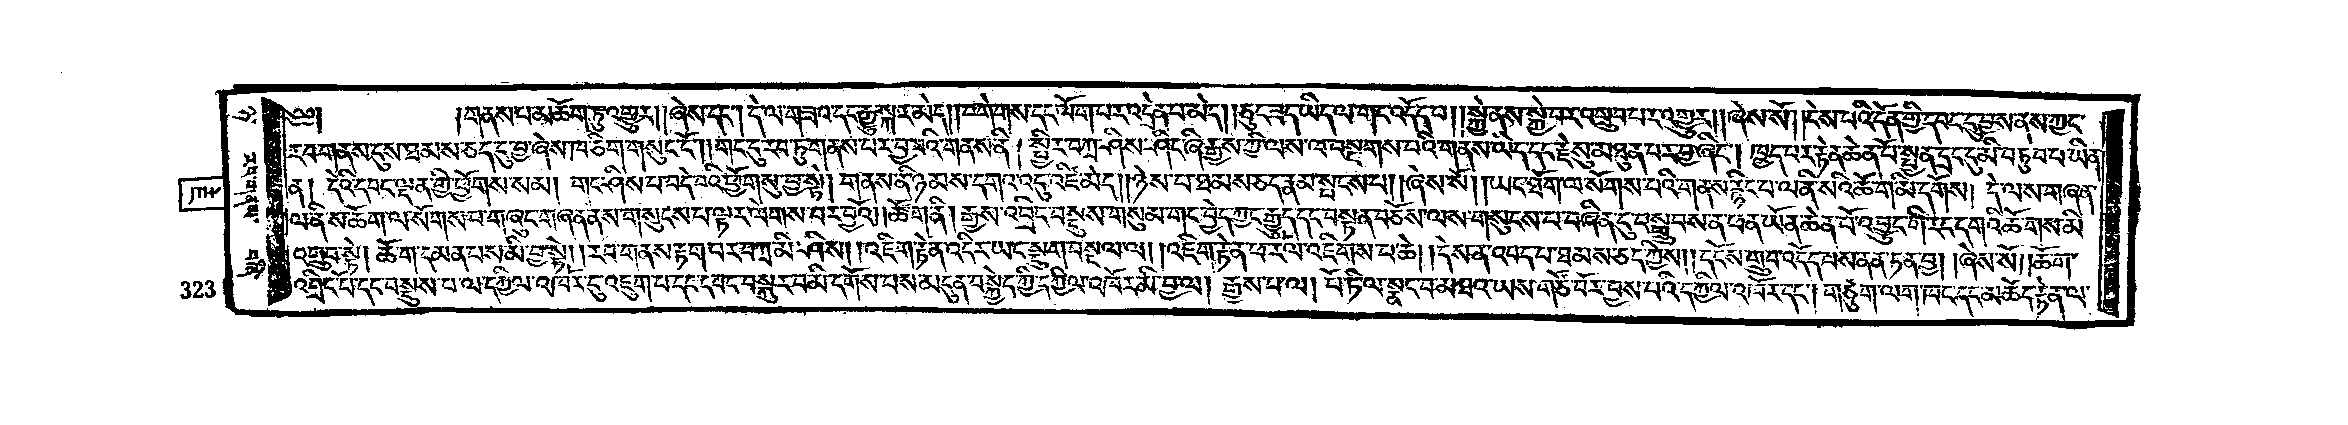༄༅། །གནས་པ་མཆོག་ཏུ་འགྱུར། །ཞེས་དང་། དེ་ལ་གཟའ་དང་རྒྱུ་སྐར་མེད། །བགེགས་དང་ལོག་པར་འདྲེན་པ་མེད། །ཅུང་ཟད་ཡིད་ལ་གང་འདོད་བ། །སྐྱེ་ནས་སྐྱེ་བར་འགྲུབ་པར་འགྱུར། །ཞེས་སོ། །ངེས་པའི་དོན་གྱི་དབང་དུ་བྱས་ནས་ཀྱང་
རབ་གནས་དུས་ཐམས་ཅད་དུ་བྱ་ཞེས་ཁ་ཅིག་གསུང་ངོ། །གང་དུ་རབ་ཏུ་གནས་པར་བྱ་བའི་གནས་ནི། སྤྱིར་བཀྲ་ཤིས་ཤིང་ཞི་རྒྱས་ཀྱི་ལས་ལ་བསྔགས་པའི་གནས་ཡིད་དང་རྗེ་སུ་མཐུན་པར་བྱ་ཞིང་། ཁྱད་པར་རྟེན་ཆེན་པོ་སྤྱན་དྲང་དུ་མི་བཏུབ་པ་ཡིན་
ན། དེའི་དབང་ལྡན་གྱི་ཕྱོགས་སམ། གང་ཤིས་པ་བདེ་བའི་ཕྱོགས་སུ་བྱ་སྟེ། གནས་ནི་ཉམས་དགའ་འདུ་འཛི་མེད། །ཉེས་པ་ཐམས་ཅད་རྣམ་སྤངས་པ། །ཞེས་སོ། །ཡང་ཐོག་ལ་སོགས་པའི་གནས་རྙིང་པ་ལ་ནི་སའི་ཆོ་ག་མི་དགོས། དེ་ལས་གཞན་
ལ་ནི་ས་ཆོག་ལ་སོགས་པ་གཞུང་གཞན་ནས་གསུངས་པ་ལྟར་ལེགས་པར་བྱའོ། །ཆོ་ག་ནི། རྒྱས་འབྲིང་བསྡུས་གསུམ་གང་བྱེད་ཀྱང་རྒྱུད་དང་བསྟན་བཅོས་ལས་གསུངས་པ་བཞིན་དུ་བསྒྲུབས་ན་ཕན་ཡོན་ཆེན་པོ་འབྱུང་གི་རང་དགའི་ཆོ་གས་མི་
འགྲུབ་སྟེ། ཆོ་ག་དམན་པས་མི་བྱ་སྟེ། །རབ་གནས་རྟག་པར་བཀྲ་མི་ཤིས། །འཇིག་རྟེན་འདིར་ཡང་སྡུག་བསྔལ་ལ། །འཇིག་རྟེན་ཕ་རོལ་འཇིགས་པ་ཆེ། །དེས་ན་འབད་པ་ཐམས་ཅད་ཀྱིས། །དངོས་གྲུབ་འདོད་པས་ནན་ཏན་བྱ། །ཞེས་སོ། །ཆོ་ག་
འབྲིང་པོ་དང་བསྡུས་པ་ལ་དཀྱིལ་འཁོར་དུ་འཇུག་པ་དང་དབང་བསྐུར་བ་མི་དགོས་པས་མདུན་བསྐྱེད་ཀྱི་དཀྱིལ་འཁོར་མི་བྱ་ལ། རྒྱས་པ་ལ། པོ་ཏི་ལ་སྣང་བ་མཐའ་ཡས་གཙོ་བོར་བྱས་པའི་དཀྱིལ་འཁོར་དང་། གཙུག་ལག་ཁང་དང་མཆོད་རྟེན་ལ་